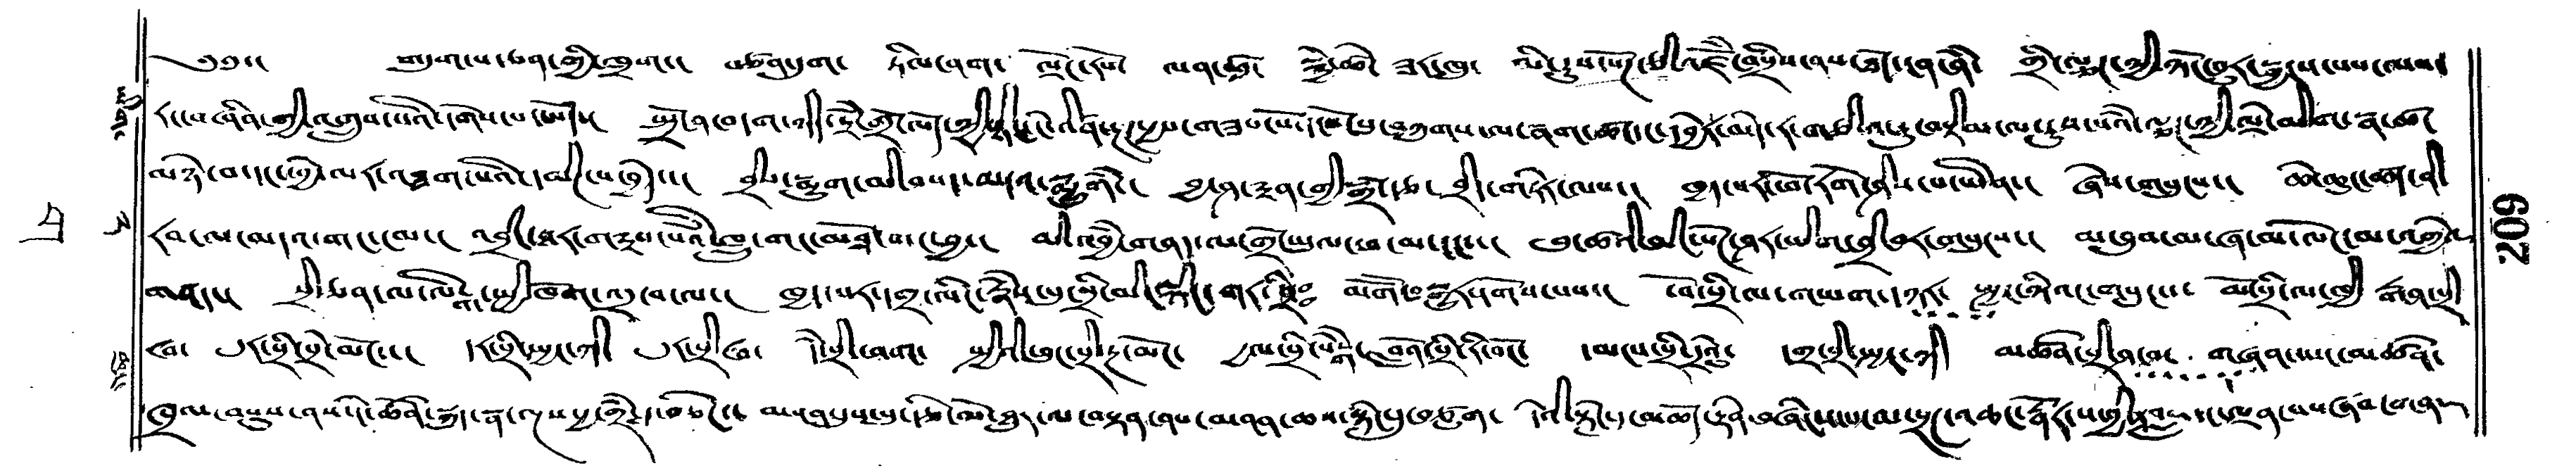གདུག་པ་ཅན་གྱི་ཁྲག བཙན་དུག ཏིལ་ནག ལྡོང་རོས། ལན་ཚྭ། སྐྱེ་ཚེ། ཟར་ཁུ། མི་རུས་སོགས་ཅི་འཛོམ་བསྲེས་ནས་ཐོད་ངན་ནམ། གྲི་ལྕགས་ཀྱི་ཀོང་བུར་སྦྱངས་པས་ལས་
རང་བཞིན་གྱིས་འགྲུབ་པའི་དགོས་པ་ཡོད། སྤྲོ་ན་བདག་ཉིད་རྡོ་རྗེ་གྲོ་ལོད་ཀྱི་ཏིང་ངེ་འཛིན་སྔགས་རྒྱས་གཟས་པོ་དངོས་སུ་བཀུགས་ལ་སྣག་ཚ་དང་དབྱེར་མེད་རོ་གཅིག་ཏུ་བསྟིམ་ལ་རུས་པའམ་ལྕགས་ཀྱི་ལྡེ་མིག་གིས་སྣག་ཚ་
མཉེ་བ་དང་ཕྱེ་མར་འཐག་པའི་དམིགས་པ་བྱེད། བྲིས་སྨྱུག་མི་བསད་མདའ་སྨྱུག་གམ། བྱ་ཤ་ཟན་གྱི་སྒྲོ་རྩས་བྲི། གཏེར་གཞུང་ལས། ཁྱད་པར་ཕོ་རོག་ཤིས་པ་ཡིན། ཞེས་གསུངས། ཆེ་ཆུང་ཚད་ནི། 
རབ་ལ་མདའ་གང་ངམ། འབྲིང་ཐར་གཟས་པོའི་ཁྲུ་གང་ངམ་མཐོ་གང་བྱ། མི་འབྱམས་གནད་ལ་གྲོང་ཡུལ་ཕ་མ་དང་། བུ་ཚའི་མིང་སོགས་ཤར་ཡིག་བྲི་བར་གསུངས། མ་བུབ་མ་ཞ་མ་ལོང་མ་འགྱེལ་
གནད། སྲི་ཅན་ལ་ལིངྒ་སྤྱི་ཁོག་འདྲ་བ་ལ།ཁྱད་པར་དགྲ་ལིང་རྣམས་སུ་སྲི་མིང་སྙིང་གར་བྲི། མགོ་བོ་བསྒྱུར་དགོས་པས། ཕོ་སྲི་ལ་གཡག་དཀར། སྤྱང་ཀིའང་གསུངས། མོ་སྲི་ལ་ཁྱི། རྒན་སྲིལ་
ཝ། དུར་སྲི་སྲེ་མོང་། དར་སྲི་སྤྱང་ཀི དུར་སྲི་ཝ། དམ་སྲི་ཕག སྤྱིའི་ཕུང་སྲི་རྔ་མོང་། རྒྱལ་སྲི་སེངྒེ། བློན་སྲི་རི་བོང་། དམངས་སྲི་དྲེའུ། དགྲ་སྲི་སྤྱང་ཀི མཚན་སྲི་ཤ་བ། གཞན་ཡང་མཚོན་
ཁྲལ་བསྡུས་ནས་དེ་ཚོན་སྐུད་སྣ་ལྔས་རྒྱ་གྲམ་དུ་བརྩེགས། མནན་དུས་སུ་རྩེ་མོ་ཐུར་ལ་བསྟན་ནས་མནན་ཆས་སྟེང་དུ་བཙུག དེའི་སྟེང་དུ་མཆོད་རྟེན་བཞེངས་ལ་སྔགས་འཆང་རྣལ་འབྱོར་བྱིན་རླབས་དང་ལྡན་པས་རབ་གནས་